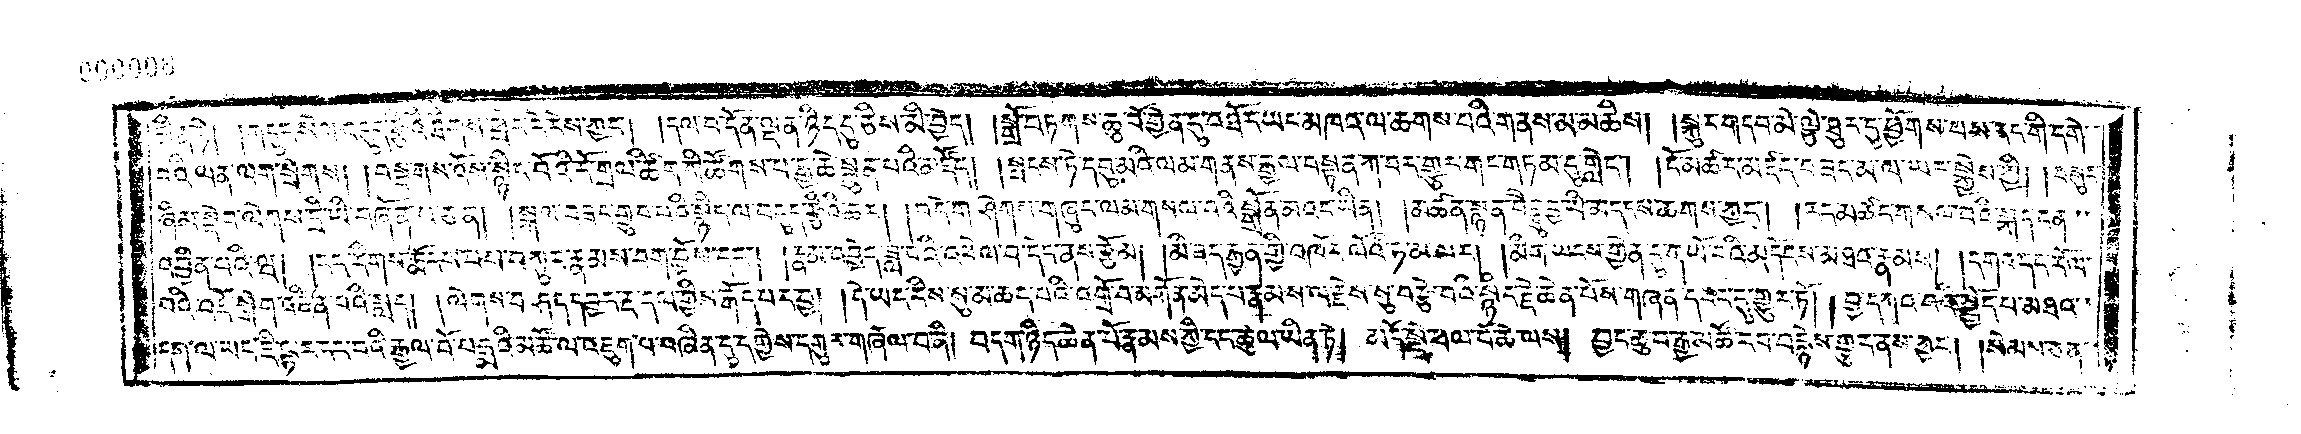མིན་ཏེ། །གདུང་སེལ་བདུད་རྩིའི་ཐིགས་ཕྲེང་རེ་རེས་ཀྱང་། །དལ་བ་དོན་ལྡན་ཉིད་དུ་ཅིས་མི་བྱེད། །སྒྲེ་བཏགས་ཆུ་བོ་གྱེན་དུ་འཐོར་ཡང་མཁའ་ལ་ཆགས་པའི་གནས་མ་མཆིས། །སྐུར་གདབ་མེ་ལྕེ་ཐུར་དུ་ཕྱོགས་པས་རང་གི་དགེ་
བའི་ཡན་ལག་སྲེགས། །བསྔགས་འོས་སྙིང་པོའི་རོ་བྲལ་ཚིག་གི་ཚོགས་པ་རྒྱ་ཆེ་སྤུན་པའི་མཛོད། །སྤངས་ཏེ་དབུ་མའི་ལམ་གནས་རྒྱལ་བསྟན་ཀ་བར་གྱུར་གང་གཏམ་དུ་གླེང་། །ངོ་མཚར་མཛད་བཟང་མ་ལ་ཡར་སྐྱེས་ཀྱི། །བསུང་
ཞིམ་སྡེབ་ལེགས་དྲི་ཡི་བཞོན་པ་ཅན། །སྐལ་བཟང་གྲུབ་པའི་སྙིང་ལ་བདུད་རྩིའི་ཆར། །བདེ་གཤེགས་གཞུང་ལམ་གསལ་བའི་སྒྲོན་མའང་ཡིན། །མཚན་སྙན་བཻཌཱུརྱ་ཡི་མདངས་ཆགས་ཀྱང་། །རང་མཚང་གསལ་བའི་སྐད་ངན་
འབྱིན་པའི་ཝ། །རང་རིགས་རྨོངས་པས་བཀུར་རྣམས་བག་བྱོས་དང་། །རྣམ་འབྱེད་ཟླ་བའི་འཕེལ་བ་དེང་ནས་རྩོམ། །མི་ཟད་རྒྱན་གྱི་འཁོར་ལོའི་ཏ་མ་ལར། །མིག་ཡངས་གྱེན་དུ་གཡོ་བའི་མདོངས་མཐའ་རྣམས། །དགའ་དད་རོལ་
པའི་འཇོ་སྒེག་འཛིན་པའི་སླད། །ལེགས་བཤད་དབྱར་རྔ་དལ་གྱིས་རྒོད་པར་བྱ། །དེ་ཡང་རིས་སུ་མ་ཆད་པའི་འགྲོ་བ་མགོན་མེད་པ་རྣམས་ལ་རྗེས་སུ་བརྩེ་བའི་སྙིང་རྗེ་ཆེན་པོས་གཞན་དབང་དུ་གྱུར་ཏེ། བྱ་དཀའ་བའི་སྤྱེད་པ་མཐའ་
དག་ལ་ཡང་ཇི་ལྟར་དང་བའི་རྒྱལ་པོ་པདམའི་མཚོ་ལ་འཇུག་པ་བཞིན་དུ་དགྱེས་དགུར་གཞོལ་བ་ནི། བདག་ཉིད་ཆེན་པོ་རྣམས་ཀྱི་ངང་ཚུལ་ཡིན་ཏེ། མདོ་སྡེ་ཕལ་པོ་ཆེ་ལས། བྱང་ཆུབ་རྒྱ་མཚོར་བ་བརྙེས་གྱུར་ནས་ཀྱང་། །སེམས་ཅན་